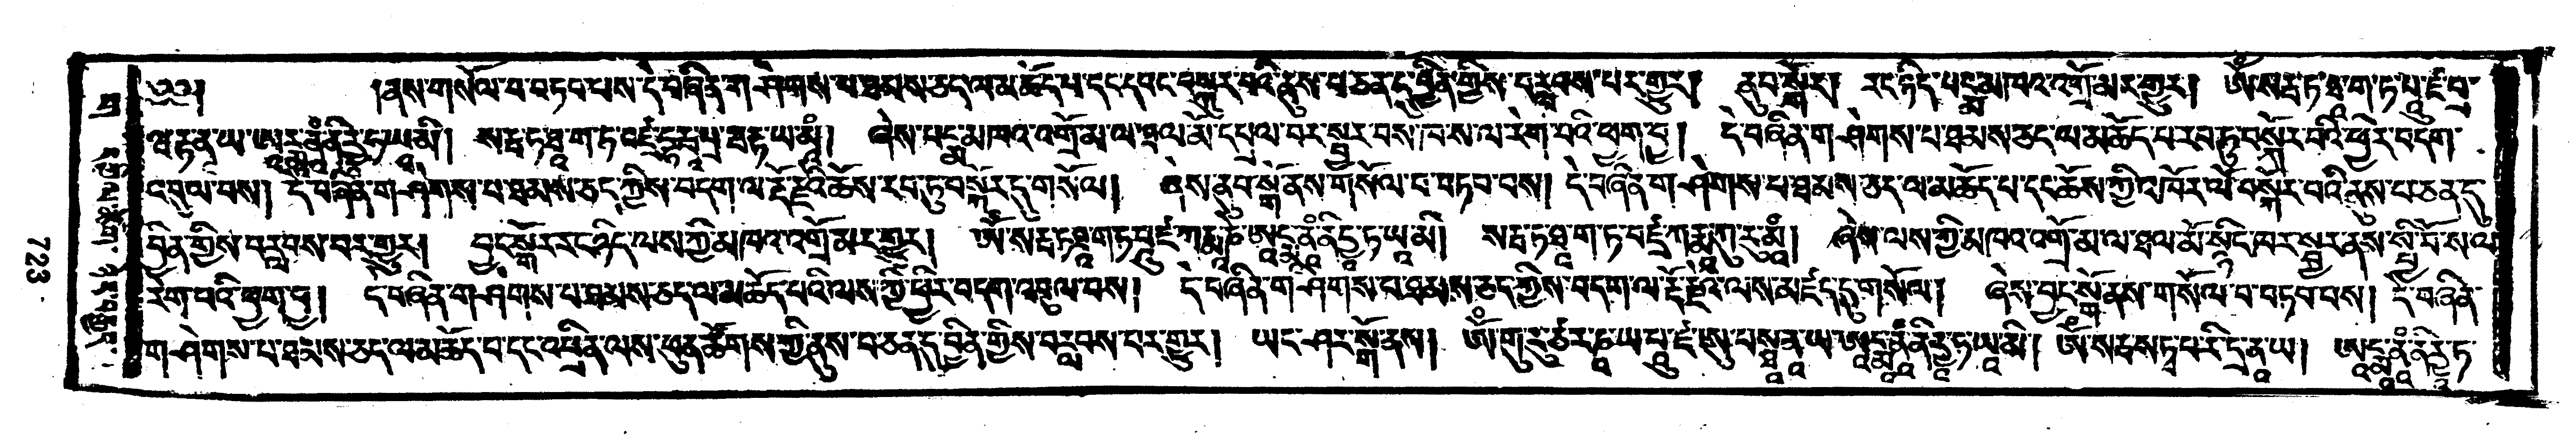༄༅། །ནས་གསོལ་བ་བཏབ་པས་དེ་བཞིན་གཤེགས་པ་ཐམས་ཅད་ལ་མཆོད་པ་དང་དབང་བསྐུར་བའི་ནུས་པ་ཅན་དུ་བྱིན་གྱིས་བརླབས་པར་གྱུར། ནུབ་སྒོར། རང་ཉིད་པདམ་མཁའ་འགྲོ་མར་གྱུར། ཨོཾ་སརྦ་ཏ་ཐཱ་ག་ཏ་པཱུ་ཛ་བྲ་
ཝ་རྟ་ན་ཡ་ཨཱརྨཱ་ནཱཾ་ནིརྱ་ཧ་ཡཱ་མི། སརྦ་ཏ་ཐཱ་ག་ཏ་བཛྲ་དྷརྦཱ་པྲ་རྦརྟ་ཡ་མཱཾ། ཞེས་པདམ་མཁའ་འགྲོ་མ་ལ་ཐལ་མོ་དཔྲལ་བར་སྦྱར་བས་ཁ་ས་ལ་རེག་པའི་ཕྱག་བྱ། དེ་བཞིན་གཤེགས་པ་ཐམས་ཅད་ལ་མཆོད་པ་རབ་ཏུ་བསྐོར་བའི་ཕྱིར་བདག་
འབུལ་བས། དེ་བཞིན་གཤེགས་པ་ཐམས་ཅད་ཀྱིས་བདག་ལ་རྡོ་རྗེའི་ཆོས་རབ་ཏུ་བསྐོར་དུ་གསོལ། ཞེས་ནུབ་སྒོ་ནས་གསོལ་བ་བཏབ་བས། དེ་བཞིན་གཤེགས་པ་ཐམས་ཅད་ལ་མཆོད་པ་དང་ཆོས་ཀྱི་འཁོར་ལོ་བསྐོར་བའི་ནུས་པ་ཅན་དུ་
བྱིན་གྱིས་བརླབས་བར་གྱུར། བྱང་སྒོར་རང་ཉིད་ལས་ཀྱི་མཁའ་འགྲོ་མར་གྱུར། ཨོཾ་སརྦ་ཏ་ཐཱ་ག་ཏ་པཱུ་ཛ་ཀརྨཱ་ཎེ་ཨཱདམཱ་ནཱཾ་ནི་དྱཱ་ཏ་ཡཱ་མི། སརྦ་ཏ་ཐཱ་ག་ཏ་བཛྲ་ཀརྨཱ་ཀུ་རུ་མཱཾ། ཞེས་ལས་ཀྱི་མཁའ་འགྲོ་མ་ལ་ཐལ་མོ་སྙིང་ཁར་སྦྱར་ནས་སྤྱི་བོ་ས་ལ་
རེག་པའི་ཕྱག་བྱ། དེ་བཞིན་གཤེགས་པ་ཐམས་ཅད་ལ་མཆོད་པའི་ལས་ཀྱི་ཕྱིར་བདག་འབུལ་བས། དེ་བཞིན་གཤེགས་པ་ཐམས་ཅད་ཀྱིས་བདག་ལ་རྡོ་རྗེའི་ལས་མཛད་དུ་གསོལ། ཞེས་བྱང་སྒོ་ནས་གསོལ་བ་བཏབ་པས། དེ་བཞིན་
གཤེགས་པ་ཐམས་ཅད་ལ་མཆོད་པ་དང་འཕྲིན་ལས་ཕུན་ཚོགས་ཀྱི་ནུས་བ་ཅན་དུ་བྱིན་གྱིས་བརླབས་བར་གྱུར། ཡང་ཤར་སྒོ་ནས། ཨོཾ་གུ་རུ་ཙར་ཎཱ་ཡ་པཱུ་ཛ་ཨུ་པསྠཱ་ནཱ་ཡ་ཨཱདམཱ་ནཱཾ་ནི་རྱཱ་ཧ་ཡཱ་མི། ཨོཾ་སརྦ་སཏྭ་པ་རི་དྲ་ནཱ་ཡ། ཨཱདམཱ་ནཱཾ་ནི་རྱཱ་ཏ་